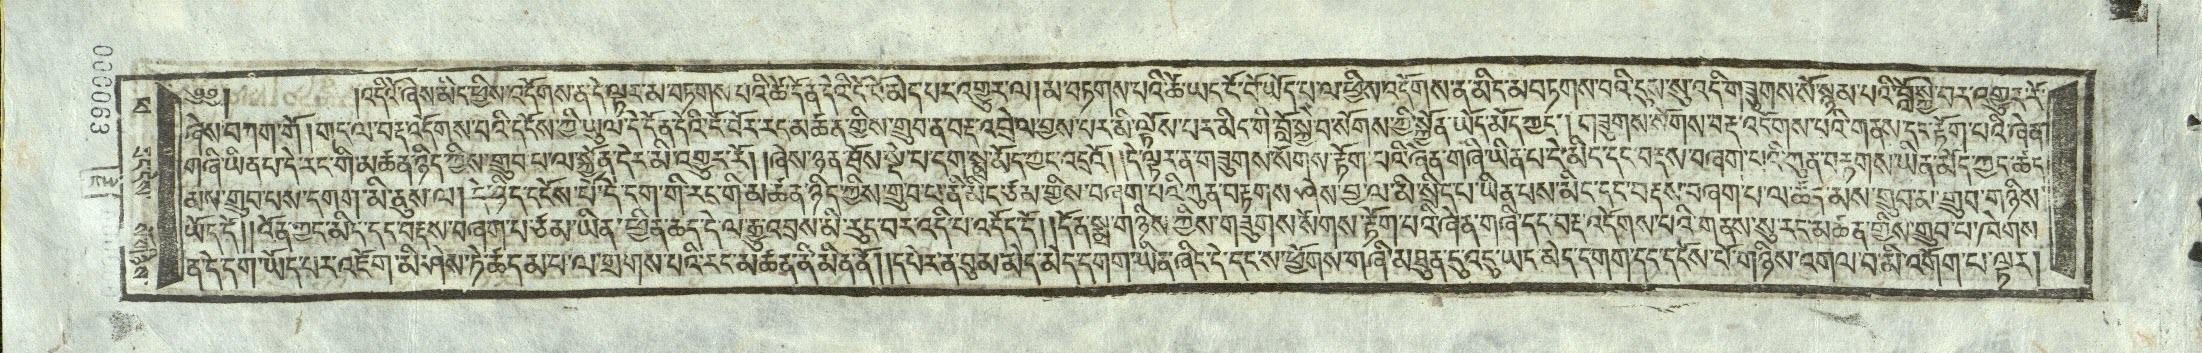༄༅། །འདིའོ་ཞེས་མིང་ཕྱིས་འདོགས་ན་དེ་ལྟར་མ་བཏགས་པའི་ཚེ་དོན་དེའི་ངོ་བོ་མེད་པར་འགྱུར་ལ། མ་བཏགས་པའི་ཚེ་ཡང་ངོ་བོ་ཡོད་པ་ལ་ཕྱིས་འདོགས་ན་མིང་མ་བཏགས་པའི་དུས་སུ་འདི་གཟུགས་སོ་སྙམ་པའི་བློ་སྐྱེ་བར་འགྱུར་
ཞེས་བཀག་གོ། གང་ལ་བརྡ་འདོགས་པའི་དངོས་ཀྱི་ཡུལ་དེ་དོན་དེའི་ངོ་བོར་རང་མཚན་གྱིས་གྲུབ་ན་བརྡ་འགྲེལ་བྱས་པར་མི་ལྟོས་པར་མིང་གི་བློ་སྐྱེ་བ་སོགས་ཀྱི་སྐྱོན་ཡོད་མོད་ཀྱང་། གཟུགས་སོགས་བརྡ་འདོགས་བའི་གནས་དང་རྟོག་པའི་ཞེན་
གཞི་ཡིན་པ་དེ་རང་གི་མཚན་ཉིད་ཀྱིས་གྲུབ་པ་ལ་སྐྱོན་དེར་མི་འགྱུར་རོ། །ཞེས་ཉན་ཐོས་སྡེ་པ་དག་སྨྲ་མོད་ཀྱང་འདྲའོ། །དེ་ལྟར་ན་གཟུགས་སོགས་རྟོག་པའི་ཞེན་གཞི་ཡིན་པ་དེ་མིང་དང་བརྡས་བཞག་པའི་ཀུན་བརྟགས་ཡིན་མོད་ཀྱང་ཚད་
མས་གྲུབ་པས་དགག་མི་ནུས་ལ། དེ་ཉིད་དངོས་པོ་དེ་དག་གི་རང་གི་མཚན་ཉིད་ཀྱིས་གྲུབ་པ་ནི་མིང་ཙམ་གྱིས་བཞག་པའི་ཀུན་བརྟགས་ཤེས་བྱ་ལ་མི་སྲིད་པ་ཡིན་པས་མིང་དང་བརྡས་བཞག་པ་ལ་ཚད་མས་གྲུབ་མ་གྲུབ་གཉིས་
ཡོད་དོ། །འོན་ཀྱང་མིང་དང་བརྡས་བཞག་པ་ཙམ་ཡིན་ཕྱིན་ཆད་དེ་ལ་རྒྱུ་འབྲས་མི་རུང་བར་འདི་པ་འདོད་དོ། །དོན་སྨྲ་གཉིས་ཀྱིས་གཟུགས་སོགས་རྟོག་པའི་ཞེན་གཞི་དང་བརྡ་འདོགས་པའི་གནས་སུ་རང་མཚན་གྱིས་གྲུབ་པ་ཁེགས་
ན་དེ་དག་ཡོད་པར་འཇོག་མི་ཤེས་ཏེ་ཚད་མ་པ་ལ་གྲགས་པའི་རང་མཚན་ནི་མིན་ནོ། །དཔེར་ན་བུམ་མེད་མེད་དགག་ཡིན་ཞིང་དེ་དང་ས་ཕྱོགས་གཞི་མཐུན་དུ་འདུ་ཡང་མེད་དགག་དང་དངོས་པོ་གཉིས་འགལ་བ་མི་འགོག་པ་ལྟར།